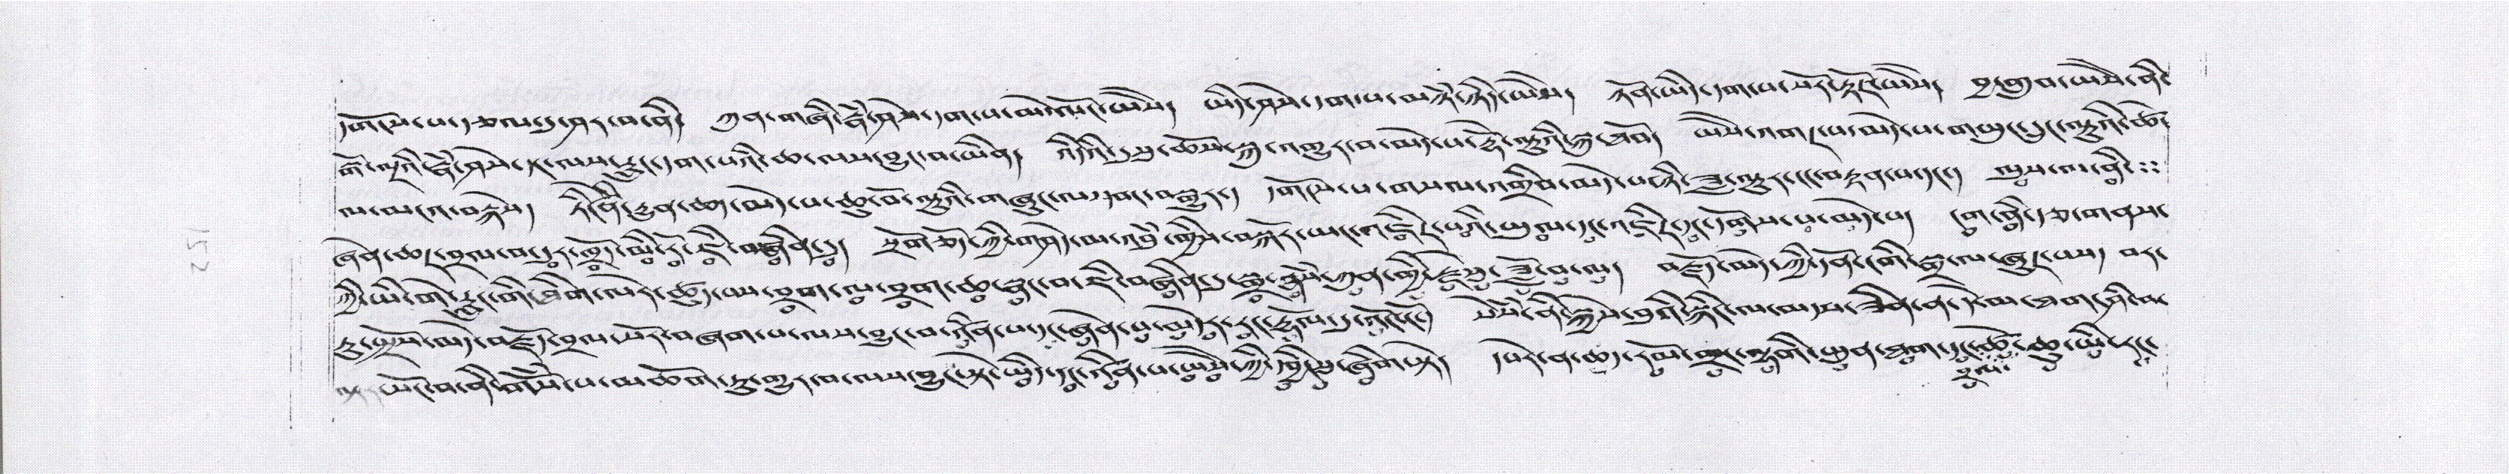དགོངས་པ་རྩལ་དུ་ཤར་བ་ནི། ཀུན་གཞི་རྣམ་ཤེས་དག་པ་མེ་ལོང་ཡེ་ཤེས། ཡིད་ཤེས་དག་པ་མཉམ་ཉིད་ཡེ་ཤེས། ཉོན་ཡིད་དག་པ་སོར་རྟོག་ཡེ་ཤེས། བྱ་གྲུབ་ཡེ་ཤེས་ནི་
སྒོ་ལྔའི་རྣམ་ཤེས་དང་ལས་རླུང་དག་པའི་ཆ་ལས་བྱུང་བ་ཡིན། འདིའི་དུས་སུ་ཆོས་སྐུ་འགྱུར་བ་མེད་པ་རྡོ་རྗེ་ལྟ་བུའི་སྐུ་ཐོབ། ཡེ་ཤེས་འགག་པ་མེད་པ་གཡུང་དྲུང་ལྟ་བུའི་ཚེ་
ལ་མངའ་བརྙེས། ཏིང་འཛིན་རྒྱུན་ཆད་མེད་པ་ཆུ་བོ་ལྟ་བུའི་གཞུང་ལ་དབང་བསྒྱུར། དགོངས་པ་གསལ་འགྲིབ་མེད་པ་ཉི་ཟླ་ལྟ་བུར་ངང་བརྟན་པ་དང་། ལུས་ལ་ནི་
ཞེན་ཆགས་བྲལ་བ་དུར་ཁྲོད་ཀྱི་མི་རོ་ཇི་བཞིན་དུ་སྲོག་གཅོད་ཀྱི་གཤེད་མ་འབུམ་གྱིས་བསྐོར་ཡང་འཇིགས་པའི་ཡུལ་དང་འཇིགས་དང་དགོས་པ་མེད་པ། ངག་ནི་རྩ་གནས་
ཀྱི་ཡི་གེ་རླུང་གི་ཐིག་ལེར་ཚུད་པ་བྲག་ལ་བྲག་ཆ་སྣང་བ་ཇི་བཞིན་དུ་སྒྲ་རྣམས་ཀུན་གྱི་རྗེས་སུ་ཟློ་བ་ལ། བརྗོད་མེད་ཀྱི་དོན་ངག་གི་སྒྲ་ལ་ཞུགས་པས། བར་
དུ་སྤྲོས་མེད་བརྗོད་བྲལ་སོར་བཞག་པ་ལས་བྱུང་བ་འཛིན་པ་དང་ཞེན་པ་མེད་པར་རང་རྡོལ་དུ་འོང་ངོ་། སེམས་ནི་སྐྱེས་བུའི་སྙིང་ལ་མདས་ཟིན་ན་དེ་མ་ཐག་ཤི་བ་
ལྟར་སོང་བ་ནི་གོམས་པ་མཆོག་ཏུ་གྱུར་པ་ལས་བྱུང་སྟེ་ཡིད་དང་འཛིན་པ་ཡེ་ཤེས་ཀྱི་དབྱིངས་སུ་ཞིག་སྟེ། དཔེར་ན་ཆད་རོལ་གྲང་ལྷག་གི་སྤུན་ཐག་དང་བྲལ་ཚེ་ཆུ་ཡི་རང་